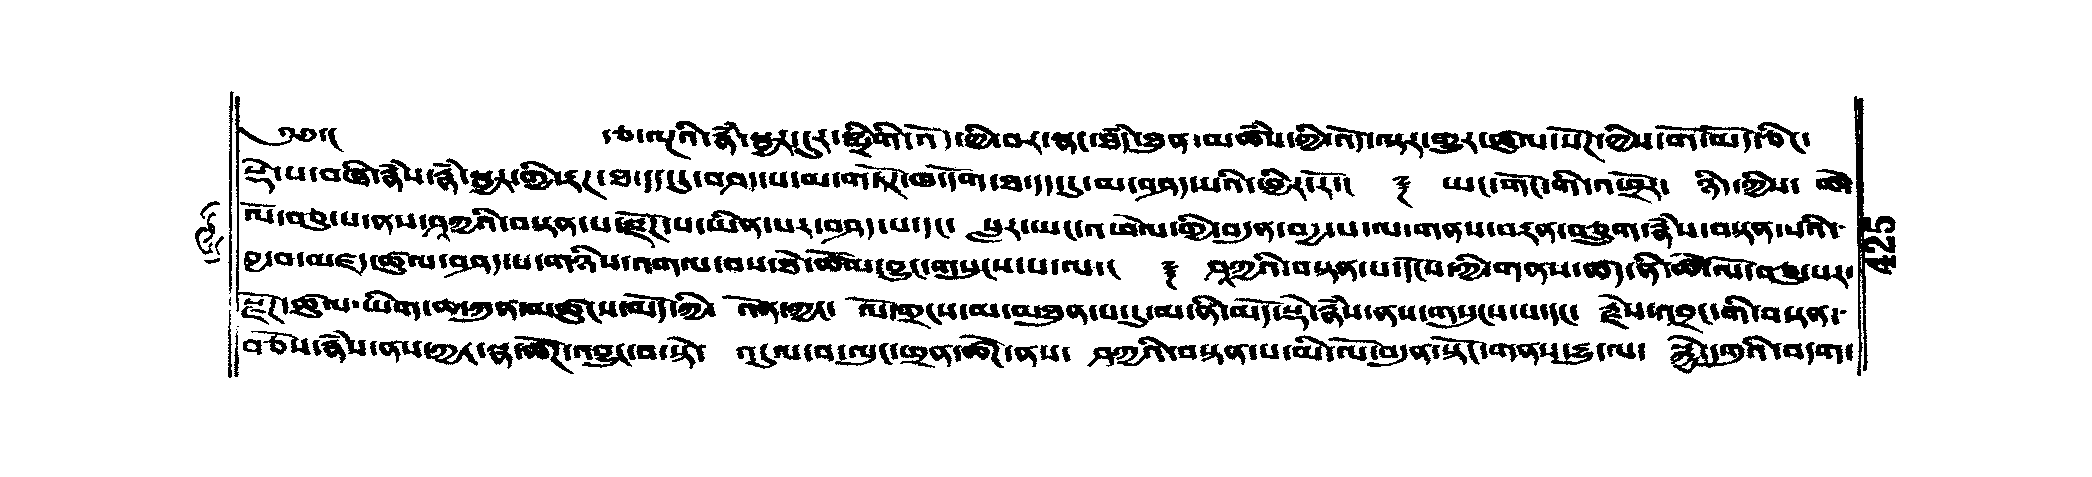རྩ་ལྔའི་རྣམ་སྦྱར་ངུར་སྨིག་གི་འོད་ཀྱི་བར་སྣང་ཐམས་ཅད་ཐུན་མཚམས་ཀྱི་འོད་ལྟར་གྱུར་ཚུལ་སོགས་ཀྱིས་གོ་མོད་ཅིང་
སྡེ་པ་བཞི་རྣམས་རྣམ་སྦྱར་གྱི་རྟགས་ཐ་དད་དུ་བཤད་པ་མ་གཏོགས་ཁ་དོག་ཐ་དད་དུ་མ་བཤད་པའི་ཕྱིར་རོ། ཡང་གོང་གི་འཕྲོར། ཉིད་ཀྱིས། ཚེ་
ལོ་བཅུ་པ་ནས་ཤཱཀྱའི་བསྟན་པ་རྫོགས་པ་ཡིན་པར་བཤད་པ་དང་། སླར་ཡར་འཕེལ་གྱི་བདུན་བརྒྱ་པ་ལ་གནས་བརྟན་བཅུ་དྲུག་རྣམས་བསྟན་པའི་
བྱ་བ་མཛད་ཚུལ་བཤད་པ་གཉིས་འགལ་བས་ཐེ་ཚོམ་བྱུང་གསུངས་པ་ལ། ཤཱཀྱའི་བསྟན་པ་དངོས་ཀྱི་གནས་ཚད་ནི་ཚེ་ལོ་བཅུ་པར་
རྫོགས་ཚུལ་ཡིག་ཆ་ཀུན་མཚུངས་མོད་ཀྱི། འོན་ཀྱང་། ལོ་གྲངས་མ་མཐུན་པ་དུ་མ་ནི་མདོ་སྡེ་རྣམས་ལས་གསུངས་པ་དང་། རྗེས་འབྲང་གི་བསྟན་
བཅོས་རྣམས་ནས་ཀྱང་སྣ་ཚོགས་འབྱུང་བ་སྟེ། འདུལ་བ་ལུང་ཕྲན་ཚེགས་ནས། ཤཱཀྱའི་བསྟན་པ་མི་ལོ་བདུན་སྟོང་གནས་རྒྱུ་ལ། སྐྱེ་དགུའི་བདག་